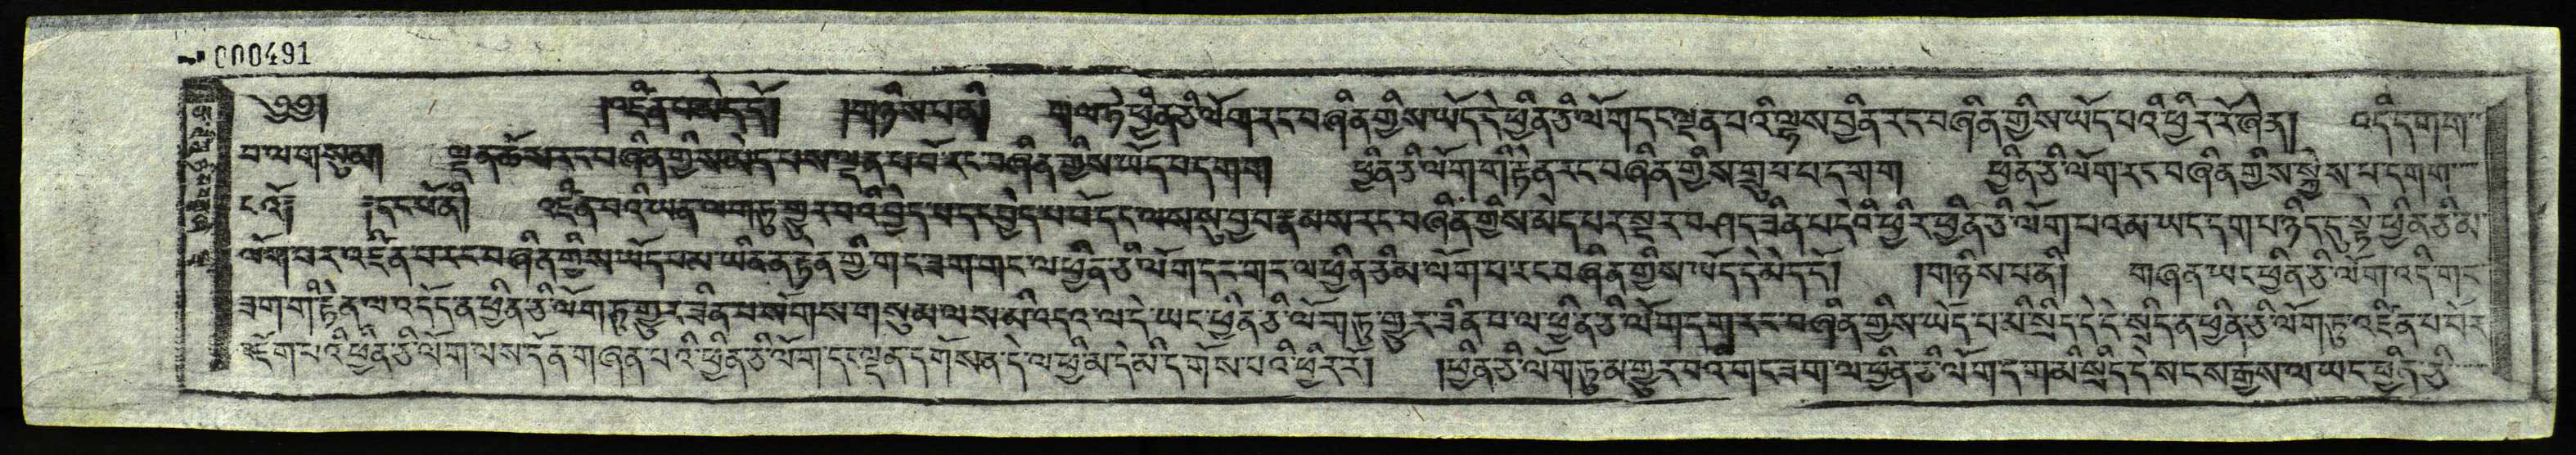༄༅། །འཛིན་པ་མེད་དོ། །གཉིས་པ་ནི། གལ་ཏེ་ཕྱིན་ཅི་ལོག་རང་བཞིན་གྱིས་ཡོད་དེ་ཕྱིན་ཅི་ལོག་དང་ལྡན་པའི་ལྷས་བྱིན་རང་བཞིན་གྱིས་ཡོད་པའི་ཕྱིར་རོ་ཞེ་ན། འདི་དགག་
བ་ལ་གསུམ། ལྡན་ཆོས་རང་བཞིན་གྱིས་མེད་པས་ལྡན་པ་པོ་རང་བཞིན་གྱིས་ཡོད་པ་དགག་ཕྱིན་ཅི་ལོག་གི་རྟེན་རང་བཞིན་གྱིས་གྲུབ་པ་དགག་ཕྱིན་ཅི་ལོག་རང་བཞིན་གྱིས་སྐྱེས་པ་དགག་
པའོ༑ ༑དང་པོ་ནི། འཛིན་པའི་ཡན་ལག་ཏུ་གྱུར་པའི་བྱེད་པ་དང་བྱེད་པ་པོ་དང་ལས་སུ་བྱ་བ་རྣམས་རང་བཞིན་གྱིས་མེད་པར་སྔར་བཤད་ཟིན་པ་དེའི་ཕྱིར་ཕྱིན་ཅི་ལོག་པའམ་ཡང་དག་པ་ཉིད་དུ་སྟེ་ཕྱིན་ཅི་མ་
ལོག་པར་འཛིན་པ་རང་བཞིན་གྱིས་ཡོད་པ་མ་ཡིན་ན་རྟེན་གྱི་གང་ཟག་གང་ལ་ཕྱིན་ཅི་ལོག་དང་གང་ལ་ཕྱིན་ཅི་མ་ལོག་པ་རང་བཞིན་གྱིས་ཡོད་དེ་མེད་དོ། །གཉིས་པ་ནི། གཞན་ཡང་ཕྱིན་ཅི་ལོག་འདི་གང་
ཟག་གི་རྟེན་ལ་འདོད་ན་ཕྱིན་ཅི་ལོག་ཏུ་གྱུར་ཟིན་པ་སོགས་གསུམ་ལས་མི་འདའ་ལ་དེ་ཡང་ཕྱིན་ཅི་ལོག་ཏུ་གྱུར་ཟིན་པ་ལ་ཕྱིན་ཅི་ལོག་དག་རང་བཞིན་གྱིས་ཡོད་པ་མི་སྲིད་དེ་དེ་སྲིད་ན་ཕྱིན་ཅི་ལོག་ཏུ་འཛིན་པ་བོར་
འཇོག་པའི་ཕྱིན་ཅི་ལོག་ལས་དོན་གཞན་པའི་ཕྱིན་ཅི་ལོག་དང་ལྡན་དགོས་ན་དེ་ལ་ཕྱི་མ་དེ་མི་དགོས་པའི་ཕྱིར་རོ། །ཕྱིན་ཅི་ལོག་ཏུ་མ་གྱུར་བའི་གང་ཟག་ལ་ཕྱིན་ཅི་ལོག་དག་མི་སྲིད་དེ་སངས་རྒྱས་ལ་ཡང་ཕྱིན་ཅི་